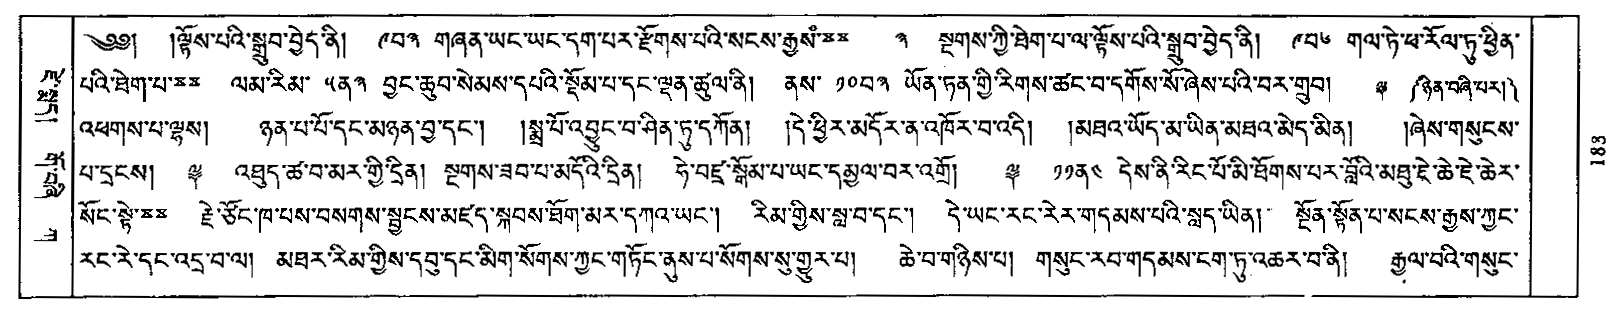༄༅། །ལྟོས་པའི་སྒྲུབ་བྱེད་ནི། ༩་བ ༣་གཞན་ཡང་ཡང་དག་པར་རྫོགས་པའི་སངས་རྒྱས ༣་སྔགས་ཀྱི་ཐེག་པ་ལ་ལྟོས་པའི་སྒྲུབ་བྱེད་ནི། ༩་བ ༦་གལ་ཏེ་ཕ་རོལ་ཏུ་ཕྱིན་
པའི་ཐེག་པ་ལམ་རིམ ༥་ན ༣་བྱང་ཆུབ་སེམས་དཔའི་སྡོམ་པ་དང་ལྡན་ཚུལ་ནི། ནས ༡༠་བ ༣་ཡོན་ཏན་གྱི་རིགས་ཚང་བ་དགོས་སོ་ཞེས་པའི་བར་གྲུབ། ༈ ཉིན་བཞི་པར།?
འཕགས་པ་ལྷས། ཉན་པ་པོ་དང་མཉན་བྱ་དང་། །སྨྲ་པོ་འབྱུང་བ་ཤིན་ཏུ་དཀོན། །དེ་ཕྱིར་མདོར་ན་འཁོར་བ་འདི། །མཐའ་ཡོད་མ་ཡིན་མཐའ་མེད་མིན། །ཞེས་གསུངས་
པ་དྲངས། ༈ འཐུད་ཚ་བ་མར་གྱི་དྲིན། སྔགས་ཟབ་པ་མདོའི་དྲིན། ཧེ་བཛྲ་སྒོམ་པ་ཡང་དམྱལ་བར་འགྲོ། ༈ ༡༡་ན ༤་དེས་ནི་རིང་པོ་མི་ཐོགས་པར་བློའི་མཐུ་ཇེ་ཆེ་ཇེ་ཆེར་
སོང་སྟེ་རྗེ་ཙོང་ཁ་པས་བསགས་སྦྱངས་མཛད་སྐབས་ཐོག་མར་དཀའ་ཡང་། རིམ་གྱིས་སླ་བ་དང་། དེ་ཡང་རང་རེར་གདམས་པའི་སླད་ཡིན། སྔོན་སྟོན་པ་སངས་རྒྱས་ཀྱང་
རང་རེ་དང་འདྲ་བ་ལ། མཐར་རིམ་གྱིས་དབུ་དང་མིག་སོགས་ཀྱང་གཏོང་ནུས་པ་སོགས་སུ་གྱུར་པ། ཆེ་བ་གཉིས་པ། གསུང་རབ་གདམས་ངག་ཏུ་འཆར་བ་ནི། རྒྱལ་བའི་གསུང་